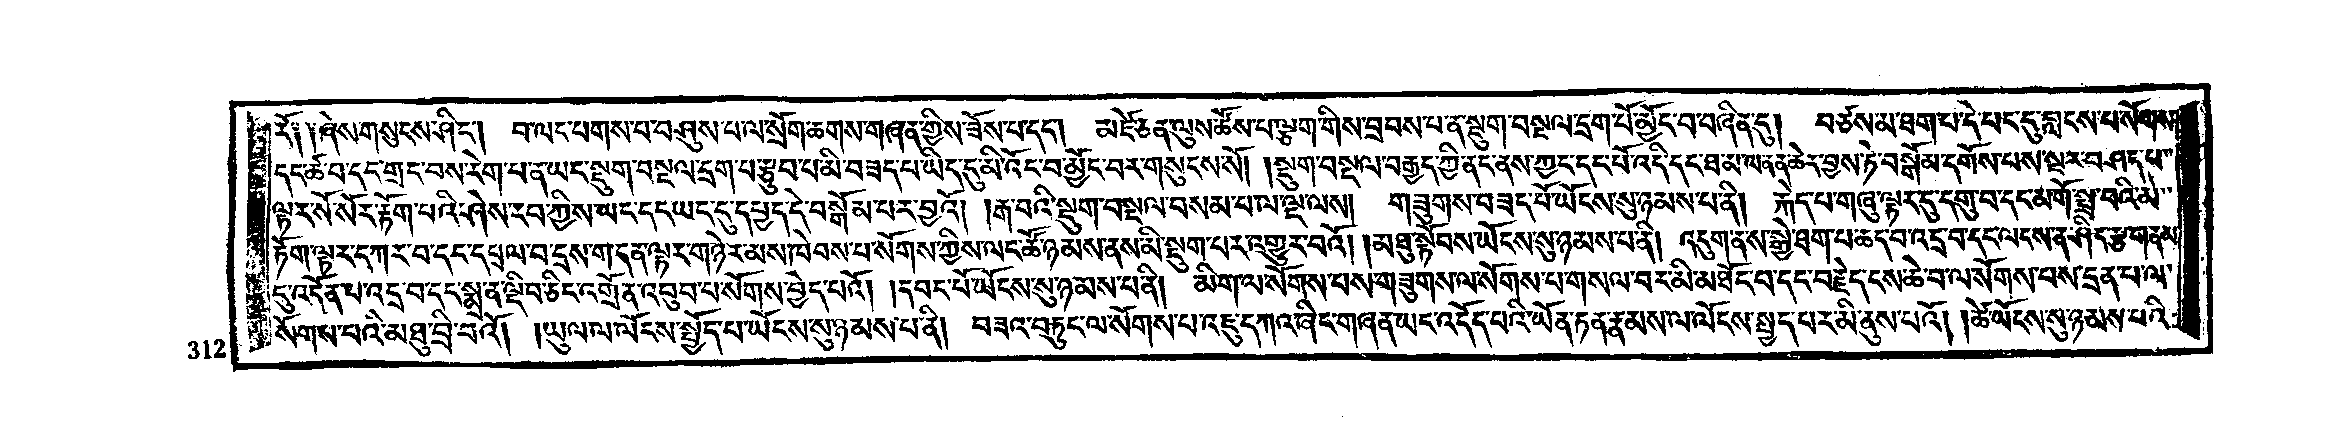རོ༑ ༑ཞེས་གསུངས་ཤིང་། བ་ལང་པགས་པ་བཤུས་པ་ལ་སྲོག་ཆགས་གཞན་གྱིས་ཟོས་པ་དང་། མཛོ་ཅན་ལུས་ཚོས་པ་ལྕག་གིས་བྲབས་པ་ན་སྡུག་བསྔལ་དྲག་པོ་མྱོང་བ་བཞིན་དུ། བཙས་མ་ཐག་པ་དེ་པང་དུ་བླངས་པ་སོགས་
དང་ཚ་བ་དང་གྲང་བས་རེག་པ་ན་ཡང་སྡུག་བསྔལ་དྲག་པོ་རྩུབ་པ་མི་བཟད་པ་ཡིད་དུ་མི་འོང་བ་མྱོང་བར་གསུངས་སོ། །སྡུག་བསྔལ་བརྒྱད་ཀྱི་ནང་ནས་ཀྱང་དང་པོ་འདི་དང་ཐ་མ་ལན་ན་ཆེར་བྱས་ཏེ་བསྒོམ་དགོས་པས་སྔར་བཤད་པ་
ལྟར་སོ་སོར་རྟོག་པའི་ཤེས་རབ་ཀྱིས་ཡང་དང་ཡང་དུ་དཔྱད་དེ་བསྒོམ་པར་བྱའོ། །རྒ་བའི་སྡུག་བསྔལ་བསམ་པ་ལ་ལྔ་ལས། གཟུགས་བཟང་པོ་ཡོངས་སུ་ཉམས་པ་ནི། རྐེད་པ་གཞུ་ལྟར་དུ་དགུ་བ་དང་མགོ་སྤྲ་བའི་མེ་
ཏོག་ལྟར་དཀར་བ་དང་དཔྲལ་བ་དྲས་གདན་ལྟར་གཉེར་མས་ཁེབས་པ་སོགས་ཀྱིས་ལང་ཚོ་ཉམས་ནས་མི་སྡུག་པར་འགྱུར་བའོ། །མཐུ་སྟོབས་ཡོངས་སུ་ཉམས་པ་ནི། འདུག་ན་ས་སྒྱེ་ཐག་པ་ཆད་པ་འདྲ་བ་དང་ལངས་ན་ཤིང་རྩ་གནམ་
དུ་འདོན་པ་འདྲ་བ་དང་སྨྲ་ན་ལྡི་བ་ཅིང་འགྲོ་ན་འབུབ་པ་སོགས་བྱེད་པའོ། །དབང་པོ་ཡོངས་སུ་ཉམས་པ་ནི། མིག་ལ་སོགས་པས་གཟུགས་ལ་སོགས་པ་གསལ་བར་མི་མཐོང་བ་དང་བརྗེད་ངས་ཆེ་བ་ལ་སོགས་པས་དྲན་པ་ལ་
སོགས་པའི་མཐུ་བྲི་བའོ། །ཡུལ་ལ་ལོངས་སྤྱོད་པ་ཡོངས་སུ་ཉམས་པ་ནི། བཟའ་བཏུང་ལ་སོགས་པ་འཇུ་དཀའ་ཞིང་གཞན་ཡང་འདོད་པའི་ཡོན་ཏན་རྣམས་ལ་ལོངས་སྤྱད་པར་མི་ནུས་པའོ། །ཚེ་ཡོངས་སུ་ཉམས་པའི་